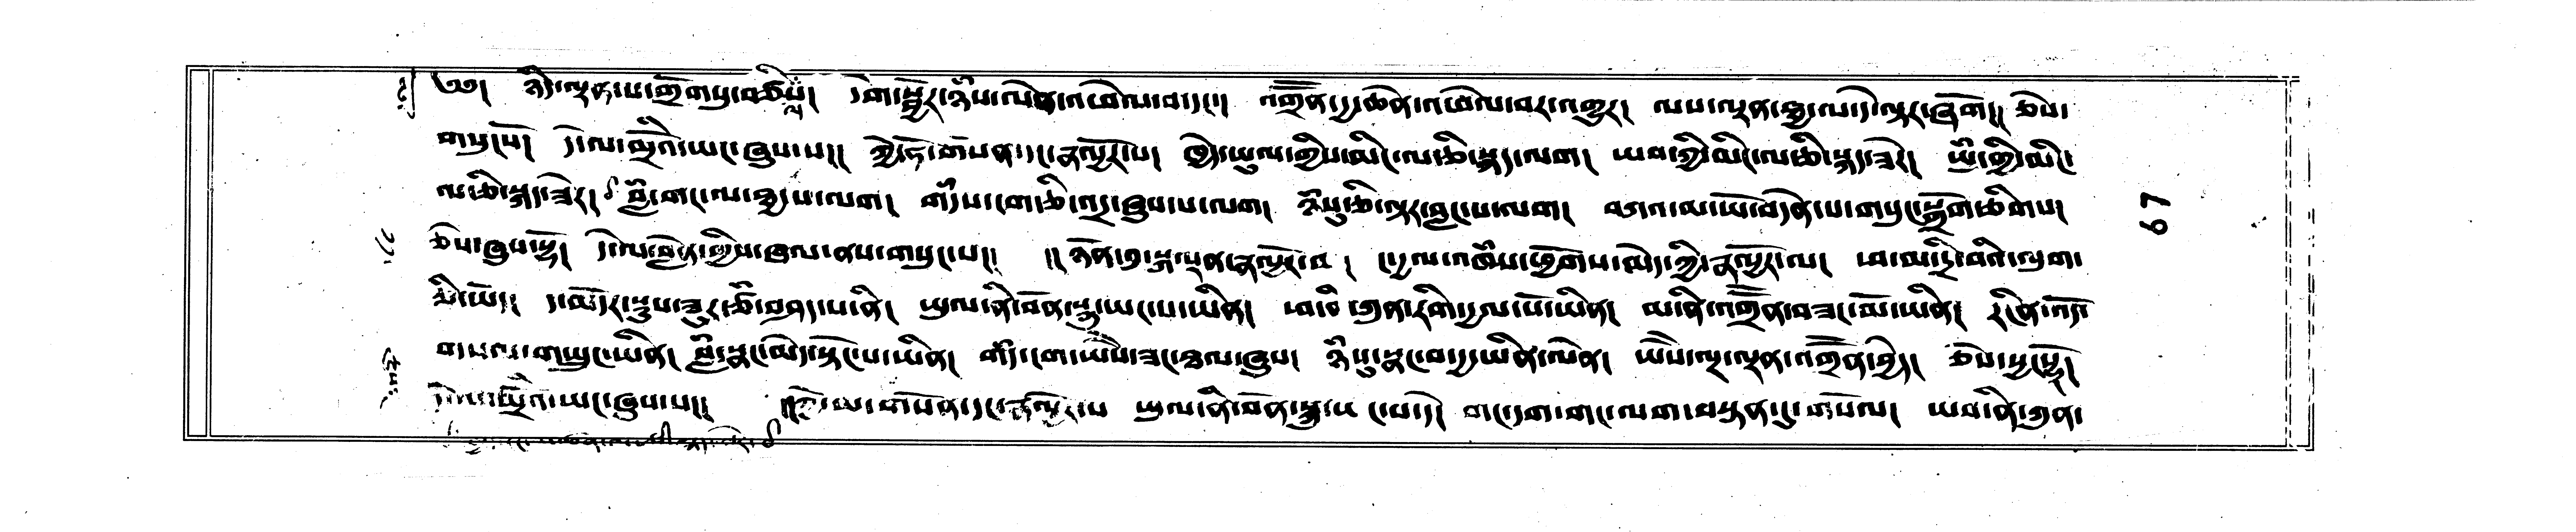ཉིད་ལྡན་པ་གྲོགས་སུ་བཙལ། དགེ་སྦྱོར་ཉམས་ལེན་འཕེལ་བ་དང་། འགྲོ་དོན་རྒྱ་ཆེན་འཕེལ་བར་འགྱུར། ལས་ལྡན་ཐུགས་ལ་དེ་ལྟར་ཞོག ཅེས་
གསུངས་སོ། དེ་ལ་མཁའ་འགྲོས་ཡང་ཞུས་པ། ཀྱེ་ཧོ་གསོན་དང་རྣལ་འབྱོར་པ། ཁྱེད་ཡུལ་གྱི་མིང་ལ་ཇི་སྐད་ལགས། ཡབ་ཀྱི་མིང་ལ་ཅི་སྐད་ཟེར། ཡུམ་གྱི་མིང་
ལ་ཅི་སྐད་ཟེར། ཁྱོད་༼༽མཚན་ལ་ཅི་སྐད་ཟེར། བླ་མ་གང་ལ་ཐུག་པ་ལགས། གདམས་ངག་ཅི་འདྲ་ཞུས་པ་ལགས། ཉམས་སུ་ཅི་ལྟར་བླང་བ་ལགས། བཀའ་མ་ཡོ་བདེན་པ་གསུང་སྒྲོགས་ཤིག 
ཅེས་ཞུས་སོ། དེ་ལ་བླ་ཆེན་གྱིས་ཞལ་ནས་གསུངས་པ། ཉོན་ཅིག་སྐལ་ལྡན་རྣལ་འབྱོར་བ། ང་རྒྱལ་ཁམས་ཕྱོགས་མེད་ཀྱི་རྣལ་འབྱོར་ལ། ཕ་མ་དྲི་བའི་ལུགས་
ཅི་ཡོད། ད་མདོར་བསྡུས་ཟུར་ཙམ་བཤད་པ་ནི། ཡུལ་ནི་བོན་སྐུ་ཡངས་པ་ཡིན། ཕ་ནི་ཀུན་རིག་རྒྱལ་པོ་ཡིན། མ་ནི་འགྲོ་དོན་བཟང་མོ་ཡིན། རང་བཞིན་འོད་
གསལ་གཡུང་དྲུང་ཡིན། བླ་མ་སྣང་མེད་སྟོང་པ་ཡིན། གདམས་ངག་ཡེ་ཤེས་ཟང་ཐལ་ཞུས། ཉམས་སུ་སྣང་བ་རྒྱ་ཡན་ལེན། ཡེ་ཤེས་ལྔ་ལྡན་འགྲོ་དོན་བྱེད། ཅེས་གསུངས་སོ།
།དེ་ལ་མཁའ་འགྲོས་ཡང་ཞུས་པ། ཀྱེ་མ་གསོན་དང་རྣལ་འབྱོར་པ། ཡུལ་ནི་བོན་སྐུ་ཡངས་པ་དེ། གང་དག་གང་ལགས་བསྟན་དུ་གསོལ། ཡབ་ནི་ཀུན་